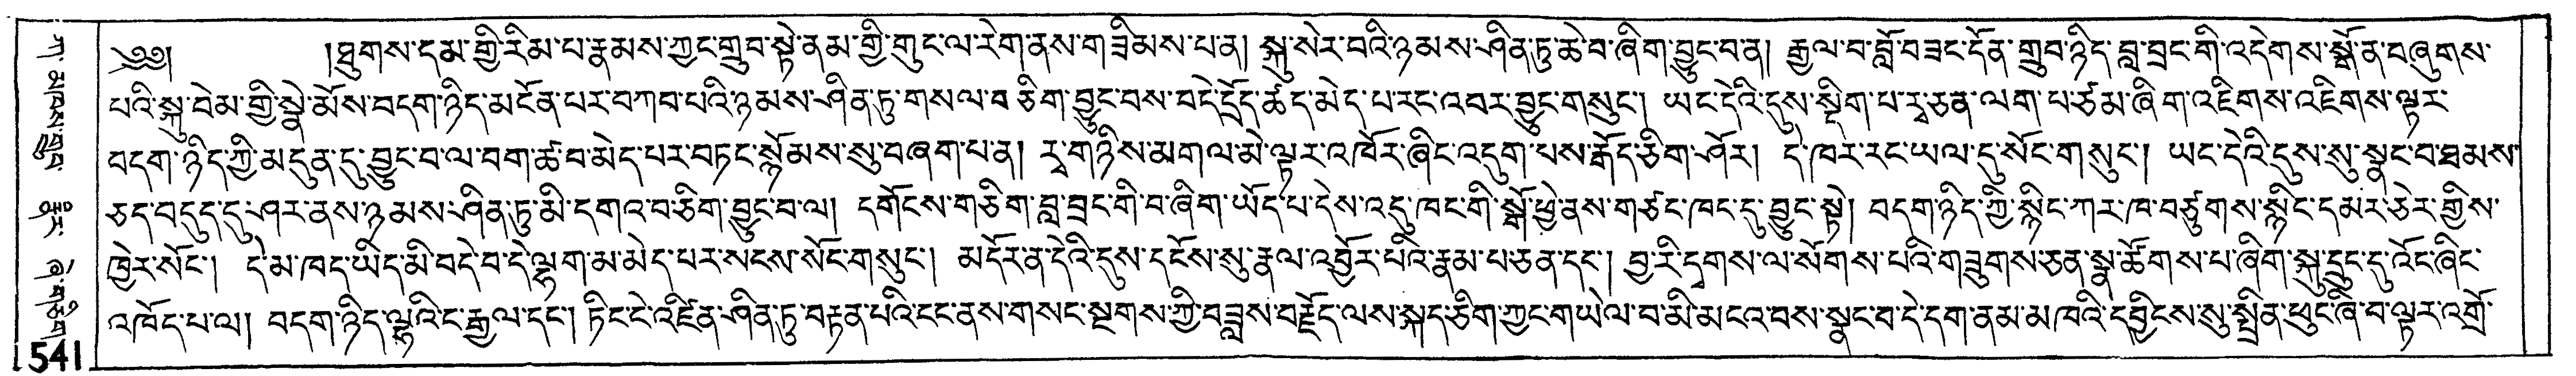༄༅། །ཐུགས་དམ་གྱི་རིམ་པ་རྣམས་ཀྱང་གྲུབ་སྟེ་ནམ་གྱི་གུང་ལ་རེག་ནས་གཟིམས་པ་ན། སྐུ་སེར་བའི་ཉམས་ཤིན་ཏུ་ཆེ་བ་ཞིག་བྱུང་བ་ན། རྒྱལ་བ་བློ་བཟང་དོན་གྲུབ་ཉིད་བླ་བྲང་གི་འདེགས་སྒོ་ན་བཞུགས་
པའི་སྐུ་བེམ་གྱི་སྣེ་མོས་བདག་ཉིད་མངོན་པར་བཀབ་པའི་ཉམས་ཤིན་ཏུ་གསལ་བཅིག་བྱུང་བས་བདེ་དྲོད་ཚད་མེད་པ་རང་འབར་བྱུང་གསུང་། ཡང་དེའི་དུས་སྡིག་པ་རྭ་ཅན་ལག་པ་ཙམ་ཞིག་འཇིགས་འཇིགས་ལྟར་
བདག་ཉིད་ཀྱི་མདུན་དུ་བྱུང་བ་ལ་བག་ཚ་བ་མེད་པར་བཏང་སྙོམས་སུ་བཞག་པ་ན། རྭ་གཉིས་མགལ་མེ་ལྟར་འཁོར་ཞིང་འདུག་པས་རྒོད་ཅིག་ཤོར། དེ་ཁར་རང་ཡལ་དུ་སོང་གསུང་། ཡང་དེའི་དུས་སུ་སྣང་བ་ཐམས་
ཅད་བདུད་དུ་ཤར་ནས་ཉམས་ཤིན་ཏུ་མི་དགའ་བ་ཅིག་བྱུང་བ་ལ། དགོངས་གཅིག་བླ་བྲང་གི་བ་ཞིག་ཡོད་པ་དེས་འདུ་ཁང་གི་སྒོ་ཕྱེ་ནས་གཙང་ཁང་དུ་བྱུང་སྟེ། བདག་ཉིད་ཀྱི་སྙིང་ཀར་ཁ་བཙུགས་སྙིང་དམར་ཅེར་གྱིས་
ཁྱེར་སོང་། དེ་མ་ཁད་ཡིད་མི་བདེ་བ་དེ་ལྷག་མ་མེད་པར་སངས་སོང་གསུང་། མདོར་ན་དེའི་དུས་དངོས་སུ་རྣལ་འབྱོར་པའི་རྣམ་པ་ཅན་དང་། བྱ་རི་དྭགས་ལ་སོགས་པའི་གཟུགས་ཅན་སྣ་ཚོགས་པ་ཞིག་སྐུ་དྲུང་དུ་འོང་ཞིང་
འཁོད་པ་ལ། བདག་ཉིད་ལྷའི་ང་རྒྱལ་དང་། ཏིང་ངེ་འཛིན་ཤིན་ཏུ་བརྟན་པའི་ངང་ནས་གསང་སྔགས་ཀྱི་བཟླས་བརྗོད་ལས་སྐད་ཅིག་ཀྱང་གཡེལ་བ་མི་མངའ་བས་སྣང་བ་དེ་དག་ནམ་མཁའི་དབྱིངས་སུ་སྤྲིན་ཕུང་ཞི་བ་ལྟར་འགྲོ་